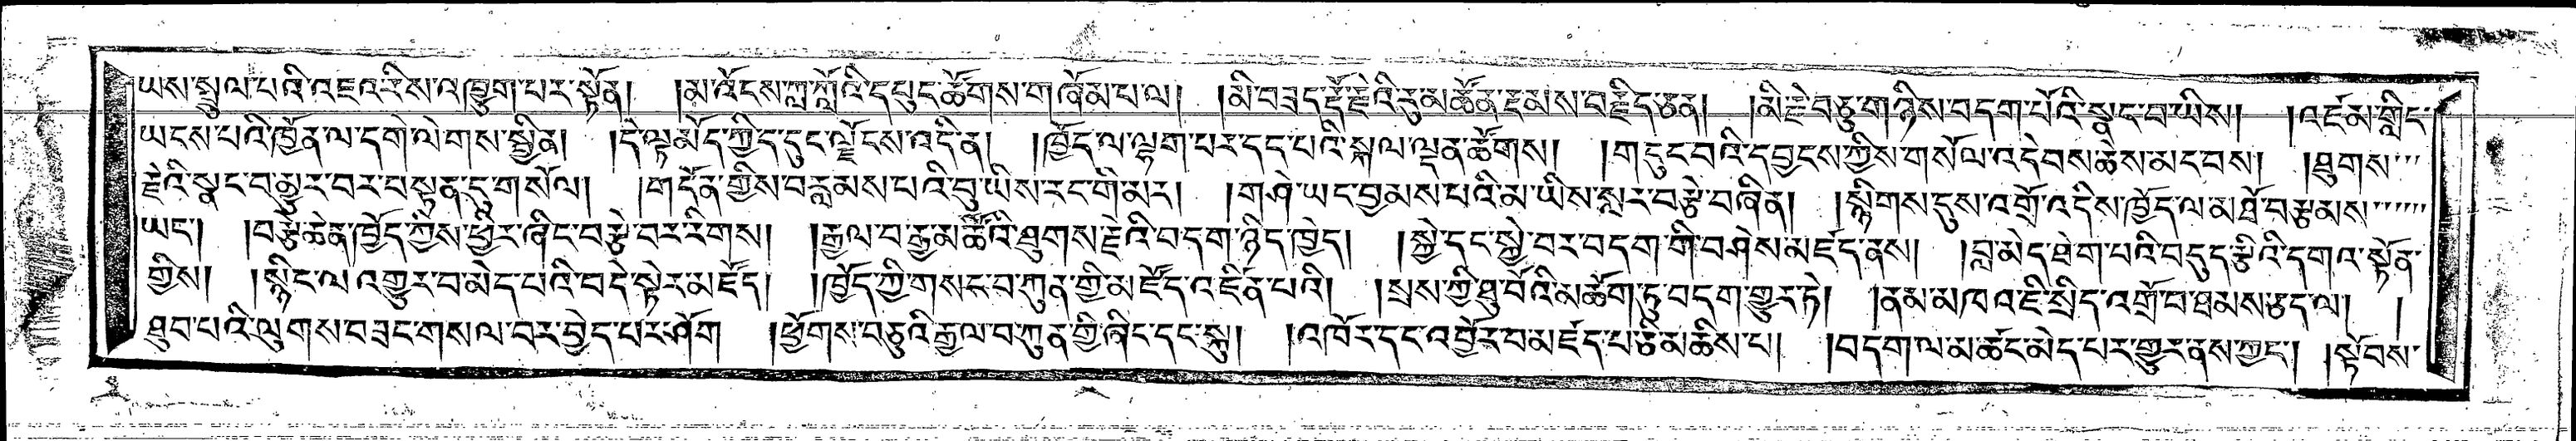ཡས་སྤྲུལ་པའི་འཇའ་རིས་འཁྱུག་པར་སྟོན། །མ་འོངས་ཀླ་ཀློའི་དཔུང་ཚོགས་གཞོམ་པ་ལ། །མི་བཟད་རྡོ་རྗེའི་རུ་མཚོན་རྔམས་བརྗིད་ཅན། །མི་རྗེ་བཅུ་གཉིས་བདག་པོའི་སྣང་བ་ཡིས། །འཛམ་གླིང་
ཡངས་པའི་ཁྱོན་ལ་དགེ་ལེགས་སྦྱིན། །དེ་ལྟ་མོད་ཀྱི་ད་དུང་ལྗོངས་འདི་ན། །ཁྱོད་ལ་ལྷག་པར་དད་པའི་སྐལ་ལྡན་ཚོགས། །གདུང་བའི་དབྱངས་ཀྱིས་གསོལ་འདེབས་ཆེས་མང་བས། །ཐུགས་
རྗེའི་སྣང་བ་མྱུར་བར་བསྟན་དུ་གསོལ། །གདོན་གྱིས་བརླམས་པའི་བུ་ཡིས་རང་གི་མར། །གཤེ་ཡང་བྱམས་པའི་མ་ཡིས་སླར་བརྩེ་བཞིན། །སྙིགས་དུས་འགྲོ་འདིས་ཁྱོད་ལ་མཐོ་བརྩམས་
ཡང་། །བརྩེ་ཆེན་ཁྱོད་ཀྱིས་ཕྱིར་ཞིང་བརྩེ་བར་རིགས། །རྒྱལ་བ་རྒྱ་མཚོའི་ཐུགས་རྗེའི་བདག་ཉིད་ཁྱེད། །སྐྱེ་དང་སྐྱེ་བར་བདག་གི་བཤེས་མཛད་ནས། །བླ་མེད་ཐེག་པའི་བདུད་རྩིའི་དགའ་སྟོན་
གྱིས། །སྙིང་ལ་འགྱུར་བ་མེད་པའི་བདེ་སྟེར་མཛོད། །ཁྱོད་ཀྱི་གསང་བ་ཀུན་གྱི་མཛོད་འཛིན་པའི། །སྲས་ཀྱི་ཐུ་བོའི་མཆོག་ཏུ་བདག་གྱུར་ཏེ། །ནམ་མཁའ་ཇི་སྲིད་འགྲོ་བ་ཐམས་ཅད་ལ། །
ཐུབ་པའི་ལུགས་བཟང་གསལ་བར་བྱེད་པར་ཤོག །ཕྱོགས་བཅུའི་རྒྱལ་བ་ཀུན་གྱི་ཞིང་དང་སྐུ། །འཁོར་དང་འབྱོར་བ་མཛད་པ་ཅི་མཆིས་པ། །བདག་ལ་མ་ཚང་མེད་པར་གྱུར་ནས་ཀྱང་། །སྟོབས་